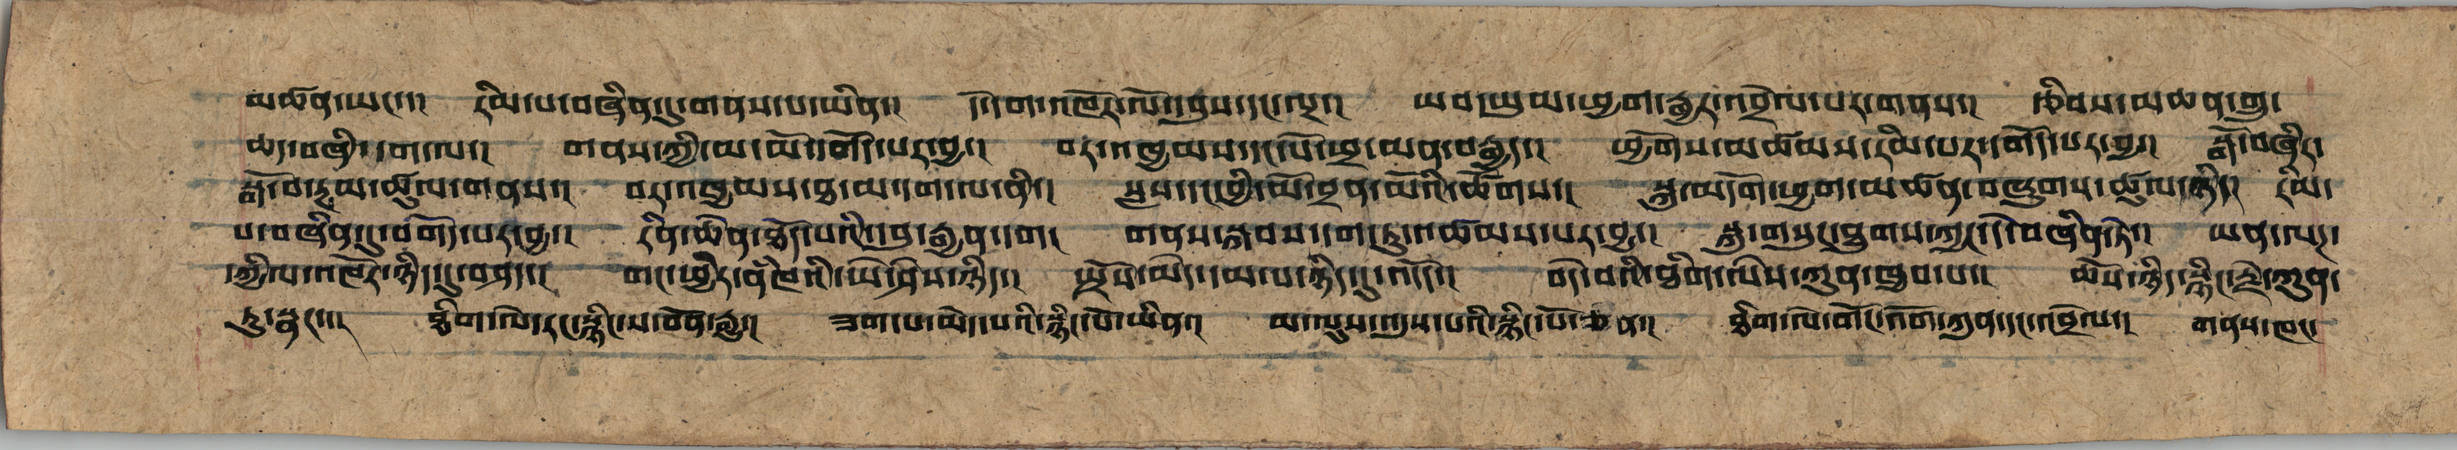མཚན་ཡང་་། རིམ་པ་བཞིན་དུ་གནས་པ་ཡིན་། དེ་དག་འཁོར་ལོ་དབུས་དང་ལྔ་། ཡབ་ཡུམ་ཕྱག་རྒྱར་འབྲེལ་པར་གནས་། རྩིབས་མཆན་གྲུ་
ཆད་བཞི་དག་ལ་། གནས་ཀྱི་མ་མོ་དགོད་པར་བྱ་། བར་འཁྱམས་དང་པོ་ཕྲ་མན་བརྒྱད་། ཕྱོགས་མཚམས་རིམ་པར་དགོད་པར་བྱ་། སྒོ་བཞིར་
སྒོ་བ་རྔམ་ཚུལ་གནས་། བར་འཁྱམས་ཐ་མ་དག་ལ་ནི་། སླས་དང་བྱི་མོ་བྲན་མོའི་ཚོགས་། སྐུ་མདོག་ཕྱག་མཚན་བཞུགས་ཚུལ་ཉིད། རིམ་
པ་བཞིན་དུ་བགོད་པར་བྱ་། རིན་ཆེན་ཐོད་པའི་དབུ་རྒྱན་དག། གནས་སྐབས་དག་ཏུ་འཚམས་པར་བྱ་། སྐུ་གསུང་ཐུགས་ཀྱང་དེ་བཞིན་ཏེ་། ཡན་ལཌ་
དཀྱིལ་འཁོར་ཉིད་དུ་བཤད་། གང་ཕྱིར་ནཾཁའི་ཡེ་ཤེས་ཉིད་། སྤྲོས་མེད་དམ་པ་ཉིད་དུ་འདོད་། བདེ་བའི་ཐིག་ལེས་ཀུན་ཁྱབ་པ་། ཆོས་ཉིད་སྙིང་རྗེ་ཀུན་
ཏུ་སྣང་་། ཐིག་ལེ་རང་སྙིང་ས་བོན་རྒྱུ་། ཟག་པ་མེད་པའི་སྙིང་པོ་ཡིན་། མ་ལུས་འདུས་པའི་སྙིང་པོ་ཅན་། ཐིག་ལེ་གོང་འོག་ཀུན་དང་འབྲེལ་། གནས་ཁང་